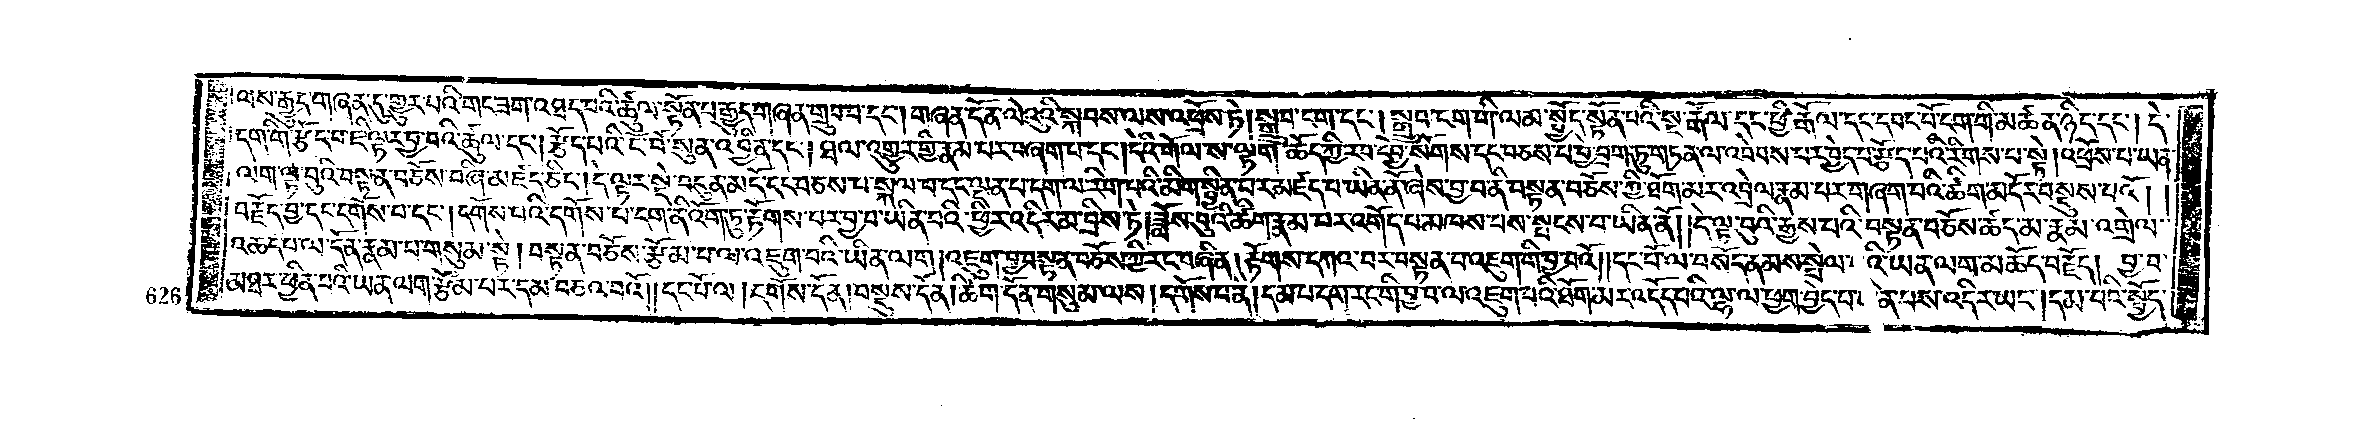ལས་རྒྱུད་གཞན་དུ་གྱུར་པའི་གང་ཟག་འཐད་པའི་ཚུལ་སྟོན་པ་རྒྱུད་གཞན་གྲུབ་པ་དང་། གཞན་དོན་ལེའུའི་སྐབས་ལས་འཕྲོས་ཏེ། སྒྲུབ་ངག་དང་། སྒྲུབ་ངག་གི་ལམ་སྤྱོད་སྟོན་པའི་སྔ་རྒོལ་དང་ཕྱི་རྒོལ་དང་དབང་པོ་དག་གི་མཚན་ཉིད་དང་། དེ་
དག་གི་རྩོད་པ་ཇི་ལྟར་བྱ་བའི་ཚུལ་དང་། རྩོད་པའི་ངོ་བོ་སུན་འབྱིན་དང་། ཐལ་འགྱུར་གྱི་རྣམ་པར་བཞག་པ་དང་། དེའི་གོལ་ས་ལྟག་ཆོད་ཀྱི་རབ་དབྱེ་སོགས་དང་བཅས་པ་བྱེ་བྲག་ཏུ་གཏན་ལ་འབེབས་པར་བྱེད་པ་རྩོད་པའི་རིགས་པ་སྟེ། འཕྲོས་པ་ཡན་
ལག་ལྟ་བུའི་བསྟན་བཅོས་བཞི་མཛད་ཅིང་། དེ་ལྟར་སྡེ་བདུན་མདོ་དང་བཅས་པ་སྐལ་པ་དང་ལྡན་པ་དག་ལ་རིག་པའི་མིག་སྦྱིན་པར་མཛད་པ་ཡིན་ནོ་ཞེས་བྱ་བ་ནི་བསྟན་བཅོས་ཀྱི་ཐོག་མར་འབྲེལ་རྣམ་པར་གཞག་པའི་ཚིག་མདོར་བསྡུས་པའོ། །
བརྗོད་བྱ་དང་དགོས་པ་དང་། དགོས་པའི་དགོས་པ་དག་ནི་འོག་ཏུ་རྟོགས་པར་བྱ་བ་ཡིན་པའི་ཕྱིར་འདིར་མ་བྲིས་ཏེ། ཟློས་བུའི་ཚིག་རྣམ་པར་འགོད་པ་མཁས་པས་སྤངས་པ་ཡིན་ནོ། །དེ་ལྟ་བུའི་རྒྱས་པའི་བསྟན་བཅོས་ཚད་མ་རྣམ་འགྲེལ་
འཆད་པ་ལ་དོན་རྣམ་པ་གསུམ་སྟེ། བསྟན་བཅོས་རྩོམ་པ་ལ་འཇུག་པའི་ཡིན་ལག། འཇུག་བྱ་བསྟན་བཅོས་ཀྱི་རང་བཞིན། རྟོགས་དཀའ་བར་བསྟན་པ་འཇུག་གི་བྱ་བའོ། །དང་པོ་ལ་བསོད་ནམས་སྤེལ་བའི་ཡན་ལག་མཆོད་བརྗོད། བྱ་བ་
མཐར་ཕྱིན་པའི་ཡན་ལག་རྩོམ་པར་དམ་བཅའ་བའོ། །དང་པོ་ལ། དགོས་དོན། བསྡུས་དོན། ཚིག་དོན་གསུམ་ལས། དགོས་པ་ནི། དམ་པ་དག་རང་གི་བྱ་བ་ལ་འཇུག་པའི་ཐོག་མར་འདོད་པའི་ལྷ་ལ་ཕྱག་བྱེད་པ་ཡིན་པས་འདིར་ཡང་། དམ་པའི་སྤྱོད་